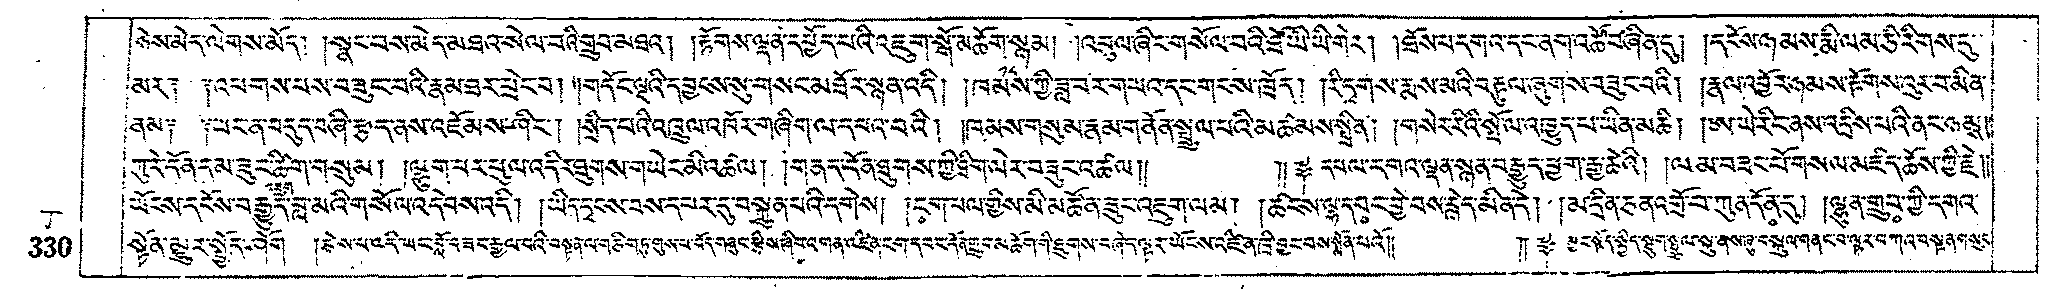ཉེས་མེད་ལེགས་མོད། །སྣང་བས་མེད་མཐའ་སེལ་བའི་གྲུབ་མཐའ། །རྟོགས་ལྡན་དཔྱོད་པའི་འཇུག་སྒོ་མཆོག་སྙམ། །འབུལ་ཞིང་གསོལ་བའི་ཐོ་ཡི་ཡི་གེར། །ཐོས་པ་དགའ་དང་ནག་འཚོ་བཞིན་དུ། །དངོས་ཉམས་རྨི་ལམ་ཅི་རིགས་དུ་་་
མར༑ ༑ འཕགས་པས་བཟུང་བའི་རྣམ་ཐར་ཕྲེང་བ། །གདོང་ལྔའི་དབྱངས་སུ་གསང་མཐོར་སྙན་འདི། །ཁམས་ཀྱི་ཟླ་བར་གཡའ་དང་གངས་ཁྲོད། །རི་དྭགས་རྨས་མའི་བརྟུལ་ཞུགས་བཟུང་བའི། །རྣལ་འབྱོར་ཉམས་རྟོགས་འུར་བ་མིན་
ནམ༑ ༑ཡང་ན་བདུད་བཞི་རྩད་ནས་འཇོམས་ཤིང་། །སྲིད་པའི་འཁྲུལ་འཁོར་གཞིག་ལ་དཔའ་བའི། །ཁམས་གསུམ་རྣམ་གནོན་སྤྲུལ་པའི་མཚམས་སྤྲིན། །གསེར་རིའི་སྤོ་ལ་འཁྱུད་པ་ཡིན་མཆི། །ཨ་ཡེ་རིང་ནས་འདྲིས་པའི་ནང་ཉམས།།
ཀུ་རེ་དོན་དམ་ཟུང་འཇུག་ཚིག་གསུམ། །ལྷུག་པར་ཕུལ་འདིར་ཐུགས་གཡེང་མི་འཚལ། །གནད་དོན་ཐུགས་ཀྱི་ཐིག་ལེར་བཟུང་འཚལ།། །།འ་དཔལ་དགའ་ལྡན་སྙན་བརྒྱུད་ཕྱག་རྒྱ་ཆེའི། །ལམ་བཟང་པོ་གསལ་མཛད་ཆོས་ཀྱི་རྗེ།།
ཡོངས་དངོས་བརྒྱུད་བླ་མའི་གསོལ་འདེབས་འདི། །ཡིད་དྭངས་བས་དཔར་དུ་བསྐྲུན་པའི་དགེས། །ངག྾་ཕལ་གྱིས་མི་མཚོན་ཟུང་འཇུག་ལམ། །ཚངས་ལྷ་དབང྾་བྱེ་བས་རྙེད་མིན་དེ། །མ་དྲིན་ཅན་འགྲོ་བ་ཀུན་དོན྾་དུ། །ལྷུན་གྲུབ྾་ཀྱི་དགའ་
སྟོན་མྱུར་སྤྱོད་ཤོག །ཅེས་པ་འདི་ཡང་བློ་བཟང་རྒྱལ་བའི་བསྟན་ལ་གཅིག་ཏུ་གུས་པ་བོད་གཞུང་རྩིས་ཞིབ་འགན་འཛིན་ངག་དབང་དོན་གྲུབ་མཆོག་གི་ཐུགས་བཞེད་ལྟར་ཡོངས་འཛིན་ཁྲི་བྱང་བས་སྨོན་པའོ།། །།འ་མྱང་སྟོད་སྐྱིད་སྦུག་སྤྲུལ་སྐུ་ནས་ཞུ་བསྐུལ་གནང་བ་ལྟར་བཀའ་བསྟན་གསུང་